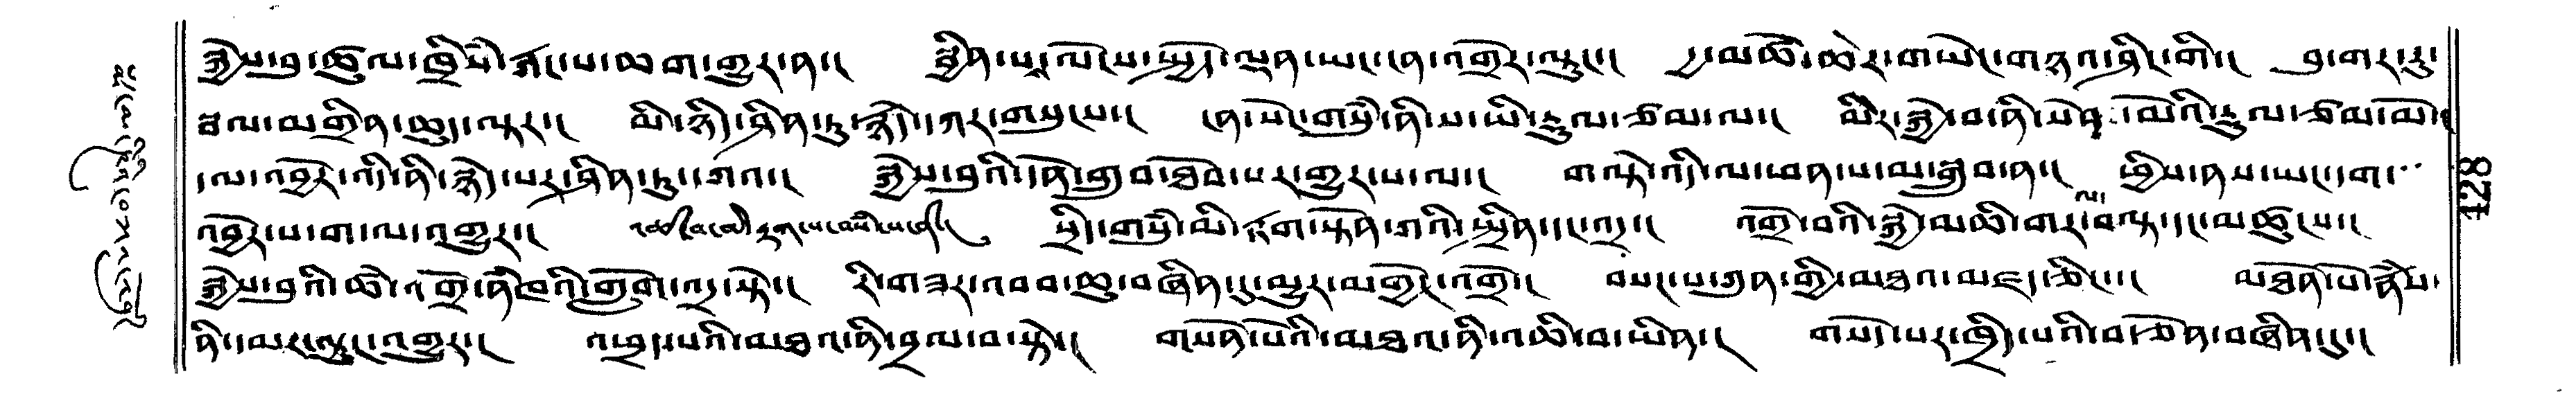།སྐྱེས་བུ་ཚུལ་ཁྲིམས་རྐང་པ་ཆག་གྱུར་ན། །སྦྱིན་པས་ལོངས་སྤྱོད་ལྡན་ཡང་ངན་འགྲོར་ལྟུང་། །རྒྱ་མཚོ་ཆེར་གཡེང་གཉའ་ཤིང་གི །བུ་གར་རུ་
སྦལ་མགྲིན་ཆུད་ལྟར། །མི་ཉིད་ཤིན་ཏུ་རྙེད་དཀའ་གསུངས། །ངན་སོང་གསུམ་ནི་ས་ཡི་རྡུལ་ཙམ་ལ། །མིར་སྐྱེ་བ་ནི་སེན་མོའི་རྡུལ་ཙམ་མོ། །
དལ་འབྱོར་འདི་ནི་རྙེད་པར་ཤིན་ཏུ་དཀའ། །སྐྱེས་བུའི་དོན་གྲུབ་འཐོབ་པར་འགྱུར་པ་ལ། །གལ་ཏེ་འདི་ལ་ཕན་པ་མ་སྒྲུབ་ན། །ཕྱིས་ནས་ཡང་དག་
འབྱོར་པ་ག་ལ་འགྱུར། འཆི་བ་མི་རྟག་པ་བསམ་པ་ནི། སྲིད་གསུམ་མི་རྟག་སྟོན་ཀའི་སྤྲིན་དང་འདྲ། །འགྲོ་བའི་སྐྱེ་མཆི་གར་ལ་བལྟ་དང་མཚུངས། །
སྐྱེས་བུའི་ཚེ་འགྲོ་ནམ་མཁའི་གློག་འདྲ་སྟེ། །རི་གཟར་འབབ་ཆུ་བཞིན་དུ་མྱུར་མགྱོགས་འགྲོ། །བསགས་པ་ཀུན་གྱི་མཐའ་མཛད་ཅིང་། །མཐོན་པོ་རྣམས་
ནི་དམའ་ལྷུང་འགྱུར། །འཕྲད་པའི་མཐའ་ནི་བྲལ་བ་སྟེ། །གསོན་པོའི་མཐའ་ནི་འཆི་བ་ཡིན། །གསོད་པར་ཁྲིད་པའི་བཅོན་བཞིན་དུ།